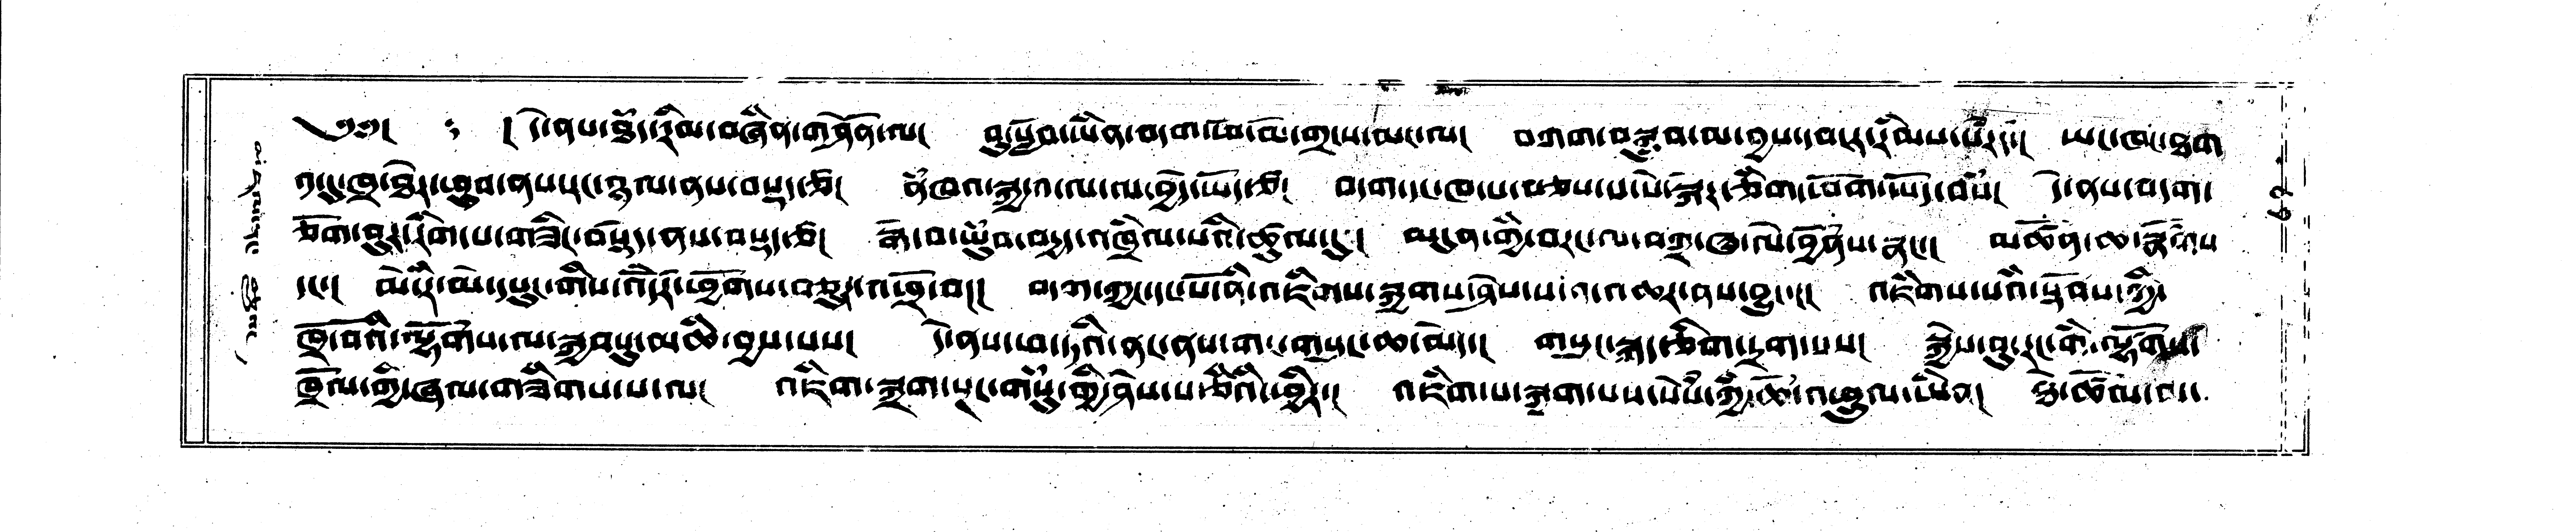དེ་ནས་ཐམས་ཅད་རིམ་བཞིན་གཤེན་པོ་ལ། བུ་སློབ་ཡོན་བདག་ཕོ་མོ་གྲངས་མང་ལ། བཀག་བསྒྲུབ་མ་བྱས་དབང་བསྐུར་རིམ་པར་མཛད། ཡང་ཁང་ཐོག་
གཅིག་དུ་ཁྲ་ཐེར་ཕུབ་ནས་རང་ཉལ་ནས་བསྡད་ཙ། ནམ་མཁའ་སྐྱ་འ་ལ་ལ་བྱེད་ཡོད་ཙ། བདག་དང་ཁང་པ་བཅས་པ་སེ་སྐོར་༼ཀོར༽ཅིག་ཕོག་ཡོད་བསམ། དེ་ནས་བདག་
ཅོག་བུར་རིག་པ་གཟིངས་བསྟོད་ནས་བསྡད་ཙ། སྒོ་བ་ཡབ་ཡུམ་བརྒྱད་འཁྲིལ་པའི་ཚུལ་དུ། མདུན་གྱི་བར་སྣང་ལ་བཀྲ་ཝ་ལེ་བྱོན་ནས་སྣང་། མཚོན་ཆ་སྣ་ཚོགས་
དང་། མེ་རི་མེ་དཔུང་གི་འོད་ཟེར་ཕྱོགས་བཅུར་འཕྲོ་བ། བདག་ཀྱང་དང་པོ་ནི་འཇིགས་སྐྲག་ཤེས་པ་གཅིག་འཆར་ནས་བྱུང་། འཇིགས་པའི་སྟོབས་ཀྱི་
ཁྲོ་བོའི་ལྷ་ཚོགས་ལ་སྐྱབས་སུ་མཆི་བྱས་པས། དེ་ནས་ཕ་ཏའི་ནང་ནས་གང་གསུང་ཆ་མེད། གསུང་སྐད་ཅིག་དྲག་པས། སྐྱེས་བུ་རང་གི་ལྷ་ཚོགས་
ཁྲོ་རྒྱལ་གྱི་ཞལ་གཟིགས་པ་ལ། འཇིགས་སྐྲག་སྔངས་གསུམ་གྱི་ཤེས་པ་ཅིའི་ཕྱིར། འཇིགས་པ་སྐྲག་པས་སེམས་ཀྱི་ཆོ་འཕྲུལ་ཡིན། ཐེ་ཚོམ་མ་